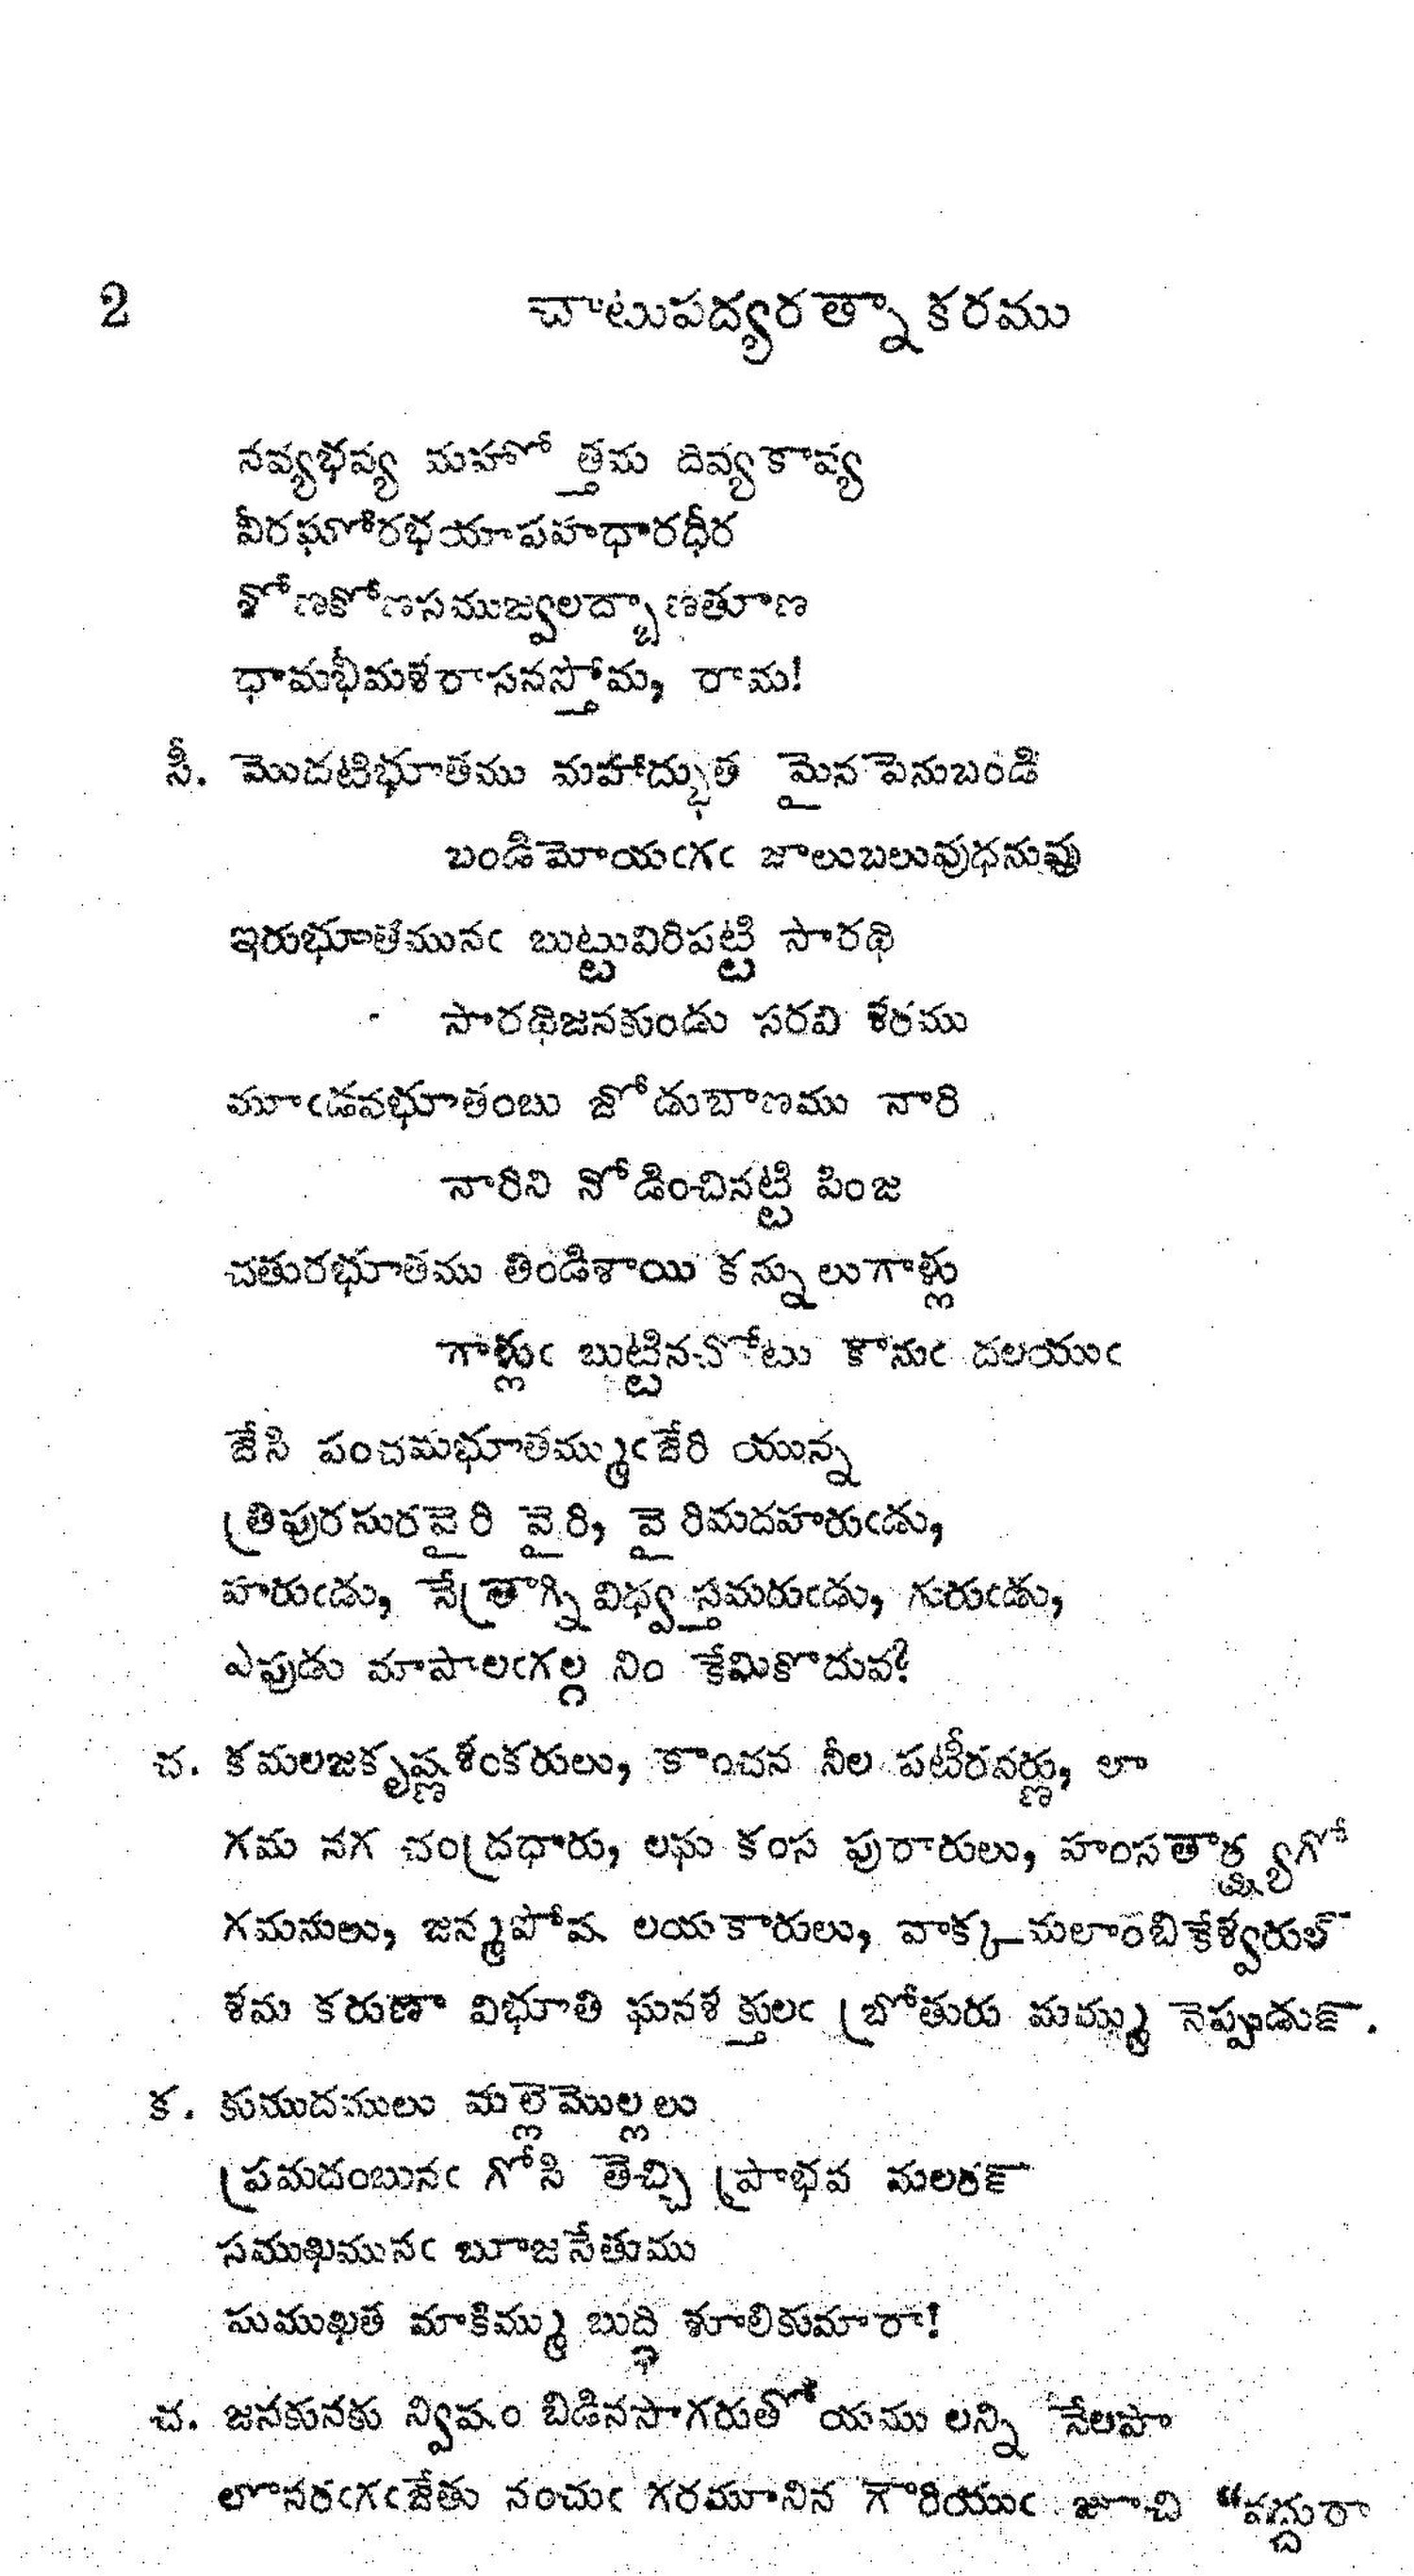నవ్యభవ్య మహోత్తమ దివ్యకావ్య
 వీరఘోరభయాపహధారధీర
 శోణకోణసముజ్వలద్బాణతూణ
 ధామభీమశరాసనస్తోమ, రామ!

సీ. మొదటిభూతము మహాద్భుత మైనపెనుబండి
 బండి మోయఁగఁ జాలుబలువుధనువు
 ఇరుభూతమునఁ బుట్టువిరిపట్టి సారథి
 సారథిజనకుండు సరవి శరము
 మూఁడవభూతంబు జోడుబాణము నారు
 నారిని నోడించినట్టి పింజ
 చతురభూతము తిండిశాయి కన్నులుగాళ్ళు
 గాళ్ళుఁ బుట్టినచోటు కౌనుఁ దలయుఁ
 జేసి పంచమభూతమ్ముఁ జేరి యున్న
 త్రిపురసురవైరి వైరి, వైరిమదహరుఁడు,
 హరుఁడు, నేత్రాగ్ని విధ్వస్తమరుఁడు, గురుఁఢు
 ఎపుడు మాపాలఁగల్గ నిం కేమికొదువ?

చ. కమలజకృష్ణశంకరులు, కాంచననీలపటీరవర్ణు, లా
 గమనగచంద్రధారు, లఘకంసపురారులు, హంసతార్క్ష్యగో
 గమనులు, జన్మపోషలయకారులు, వాక్కమలాంబికేశ్వరుల్
 శమకరుణావిభూతి ఘనశక్తులఁ బ్రోతురు మమ్ము నెప్పుడున్.

క. కుముదములు మల్లెమొల్లలు
 ప్రమదంబునఁ గోసి తెచ్చి ప్రాభవ మలరన్
 సముఖమునఁ బూజసేతుము
 సుముఖత మాకిమ్ము బుద్ధి శూలికుమారా!

చ. జనకునకు న్విషం బిడినసాగరుతోయము లన్ని నేలపా
 లొనరఁగఁజేతు నంచుఁ గరమూనిన గౌరియుఁ జూచి “వద్దురా